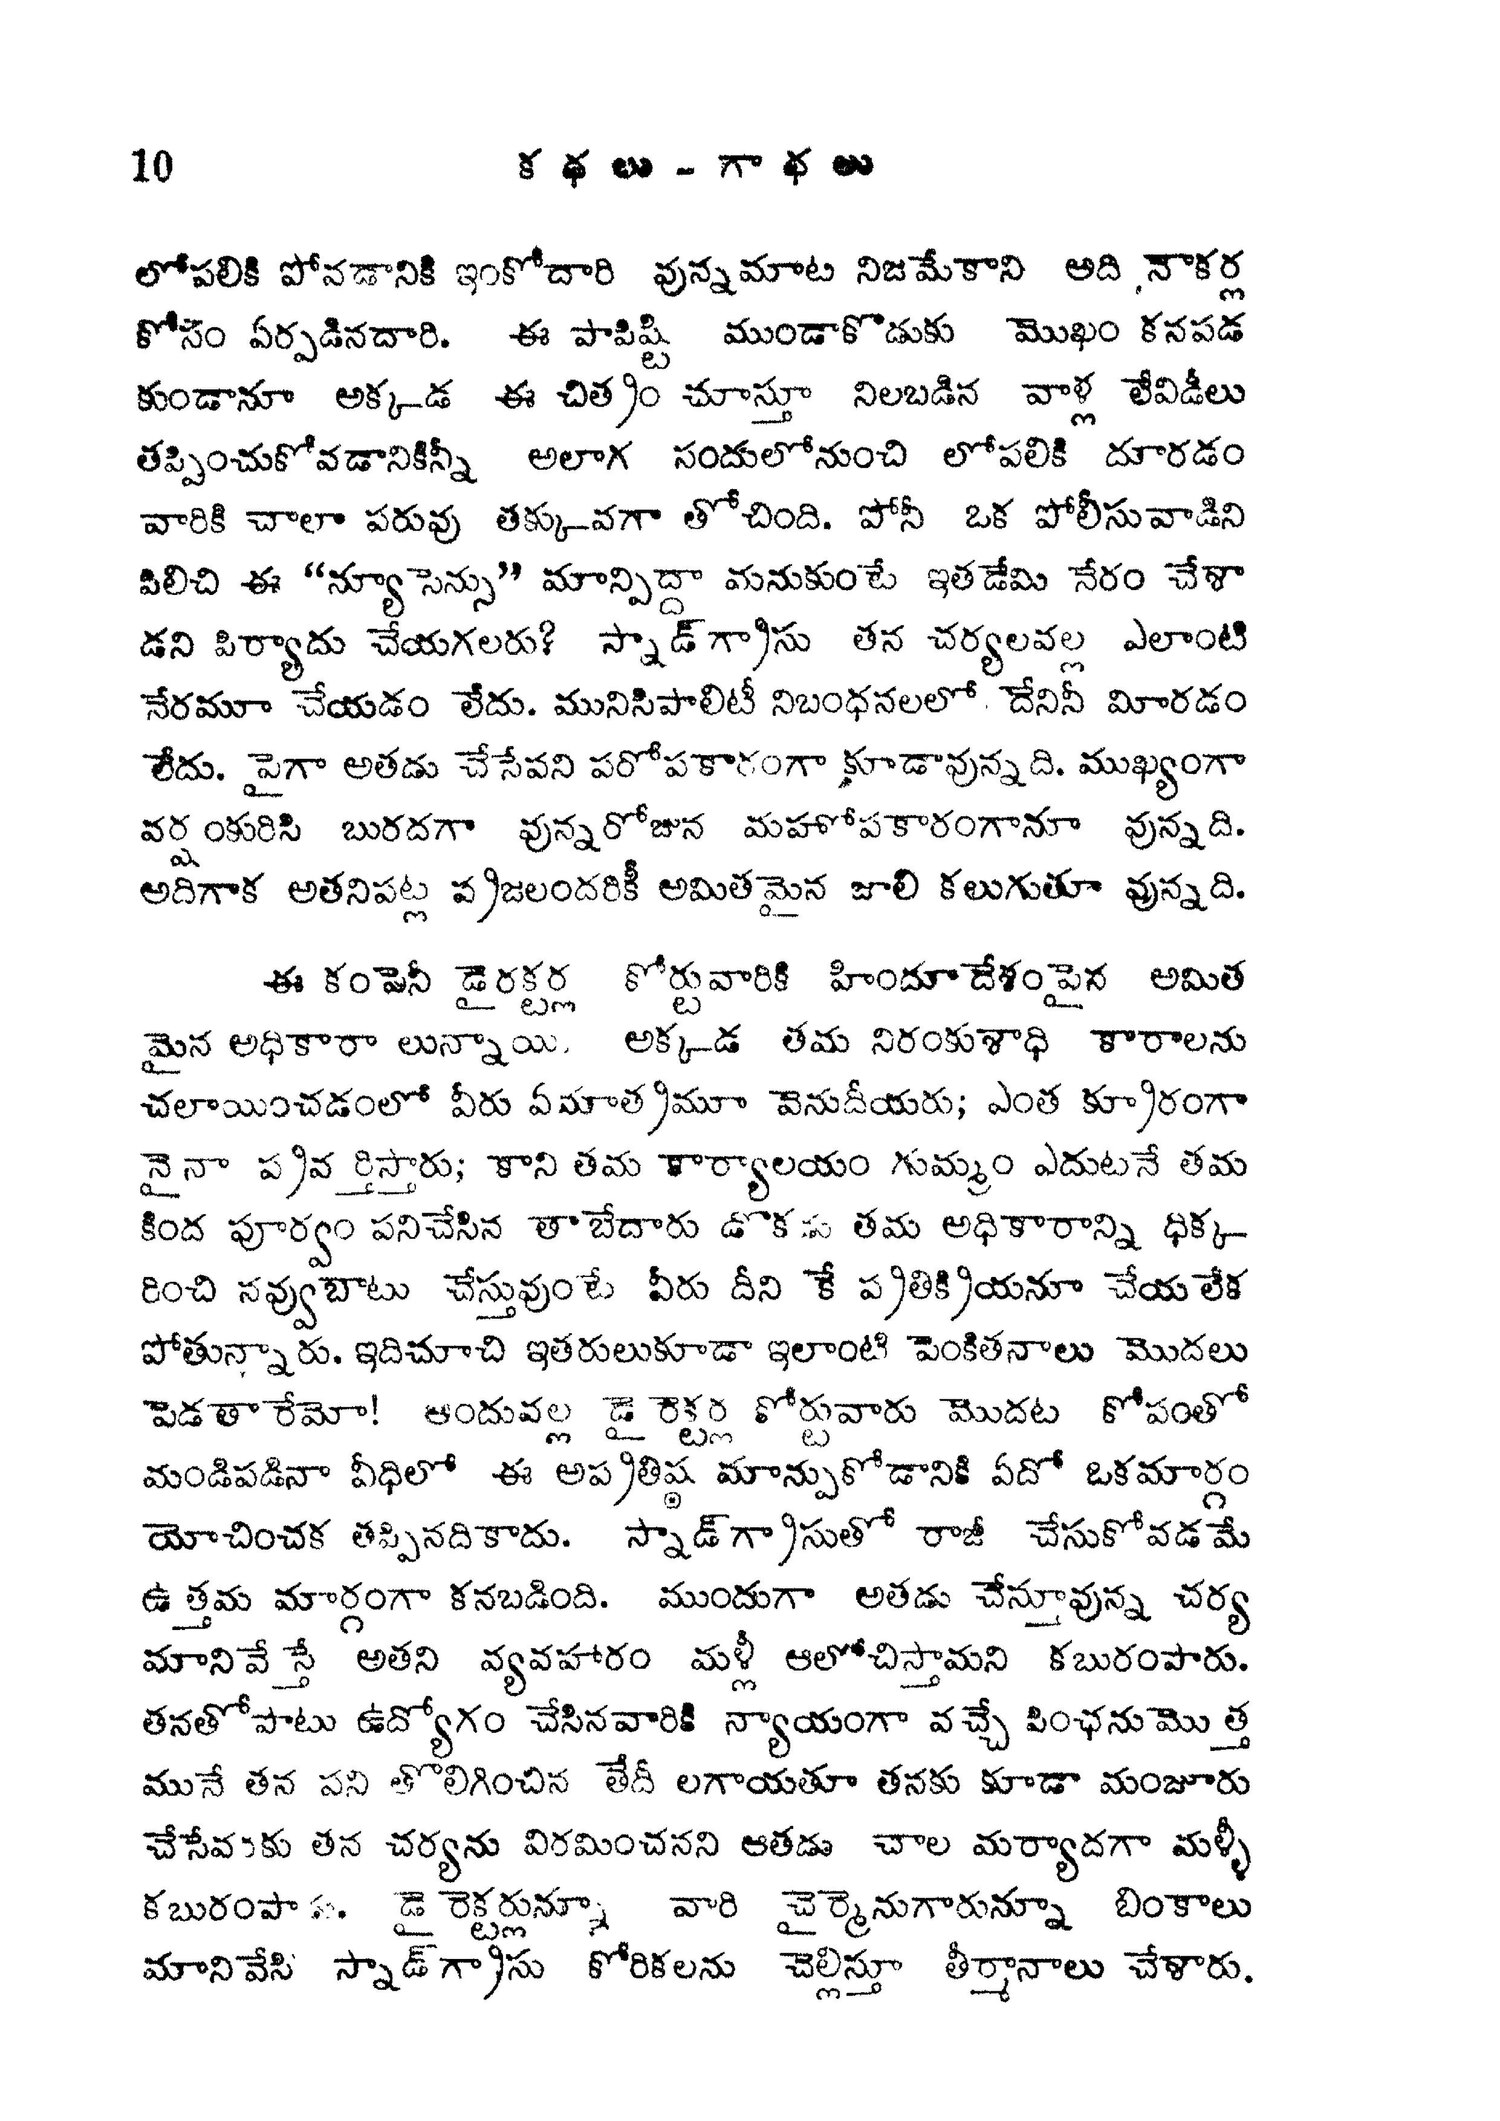లోపలికి పోవడానికి ఇంకొదారి వున్నమాట నిజమేకాని అది నౌకర్ల కొసం ఏర్పడినదారి. ఈపాపిష్టి ముండాకొడుకు మొఖం కనబడకుండా అక్కడ ఈ చిత్రం చూస్తూ నిలబడిన వాళ్ల లేవిడీలు తప్పించుకోవడానికిన్నీ అలాగ సందులొనుంచి లోపలికి దూరడం వారికి చాలా పరువు తక్కువగా తోచింది. పోనీ ఒక పోలీసు వాడిని పిలిచి ఈ "న్యూసెన్సు" మాన్పిద్దా మనుకుంటే ఇతడేమి నేరం చేశాడని పిర్యాదు చేయగలరు? స్నాడ్ గ్రాసు తన చర్యలవల్ల ఎలాంటి నేరమూ చేయడం లేదు. మునిసిపాలిటీ నిబంధననలలో దేనినీ మీరడంలేదు. పైగా అతడు చేసెపని పరోపకారంగా కూడావున్నది. ముఖ్యంగ వర్షంకురిసి బురదగా వున్నరోజున మహోపకారంగానూ వున్నది. అదిగాక అతనిపట్ల ప్రజలందరికీ అమితమైన జాలి కలుగుతూ వున్నది.

ఈ కంపెనీ డైరక్టర్ల కోర్టువారికి హిందూదేశంపైన అమితమైన అధికారాలున్నాయి. అక్కడ తమ నిరంకుశాధి కారాలను చలాయించడంలో వీరు ఏమాత్రమూ వెనుదీయరు; ఎంత క్రూరంగా నైనా ప్రవర్తిస్తారు; కాని తమ కార్యాలయం గుమ్మం ఎదుటనే తమ కింద పూర్వం పనిచేసిన తాబేదారు డొకడు తమ అధికారాన్ని ధిక్కరించి నవ్వుబాటు చేస్తువుంటే వీరు దీని కే ప్రక్రియనూ చేయలేక పోతున్నారు. ఇదిచూచి ఇతరులుకూడా ఇలాంటి పెంకితనాలు మొదలు పెడతారేమో! అందువల్ల డైరక్టర్ల కోర్టువారు మొదట కోపంతో మండి పడినా వీధిలో ఈ అప్రతిష్ట మాన్పుకోడానికి ఏదో మార్గం యోచించక తప్పినదికాదు. స్నాడ్ గ్రాసుతో రాజీ చేసుకొవడమే ఉత్తమ మార్గంగా కనబడింది. ముందుగా అతడు చేస్తూవున్న చర్య మానివేస్తే అతని వ్యవహారం మళ్లీ ఆలోచిస్తామని కంబురంపారు. తనతోపాటు ఉద్యోగం చేసినవారికి న్యాయంగా వచ్చే పించను మొత్తమునేే తన పని తొలిగించిన తేదీ లగాయతూ తనకు కూడా మంజూరు చేసేవరకూ తన చర్యను విరమించనని అతడు చాల మర్యదగా మళ్ళీ కబురంపాడు. డైరెక్టర్లున్నూ వారి చైర్మెనుగారున్నూ బింకాలు మానివేసి స్నాడ్ గ్రాసు కోరికలను చెల్లిస్తూ తీర్మానాలు చేశారు.